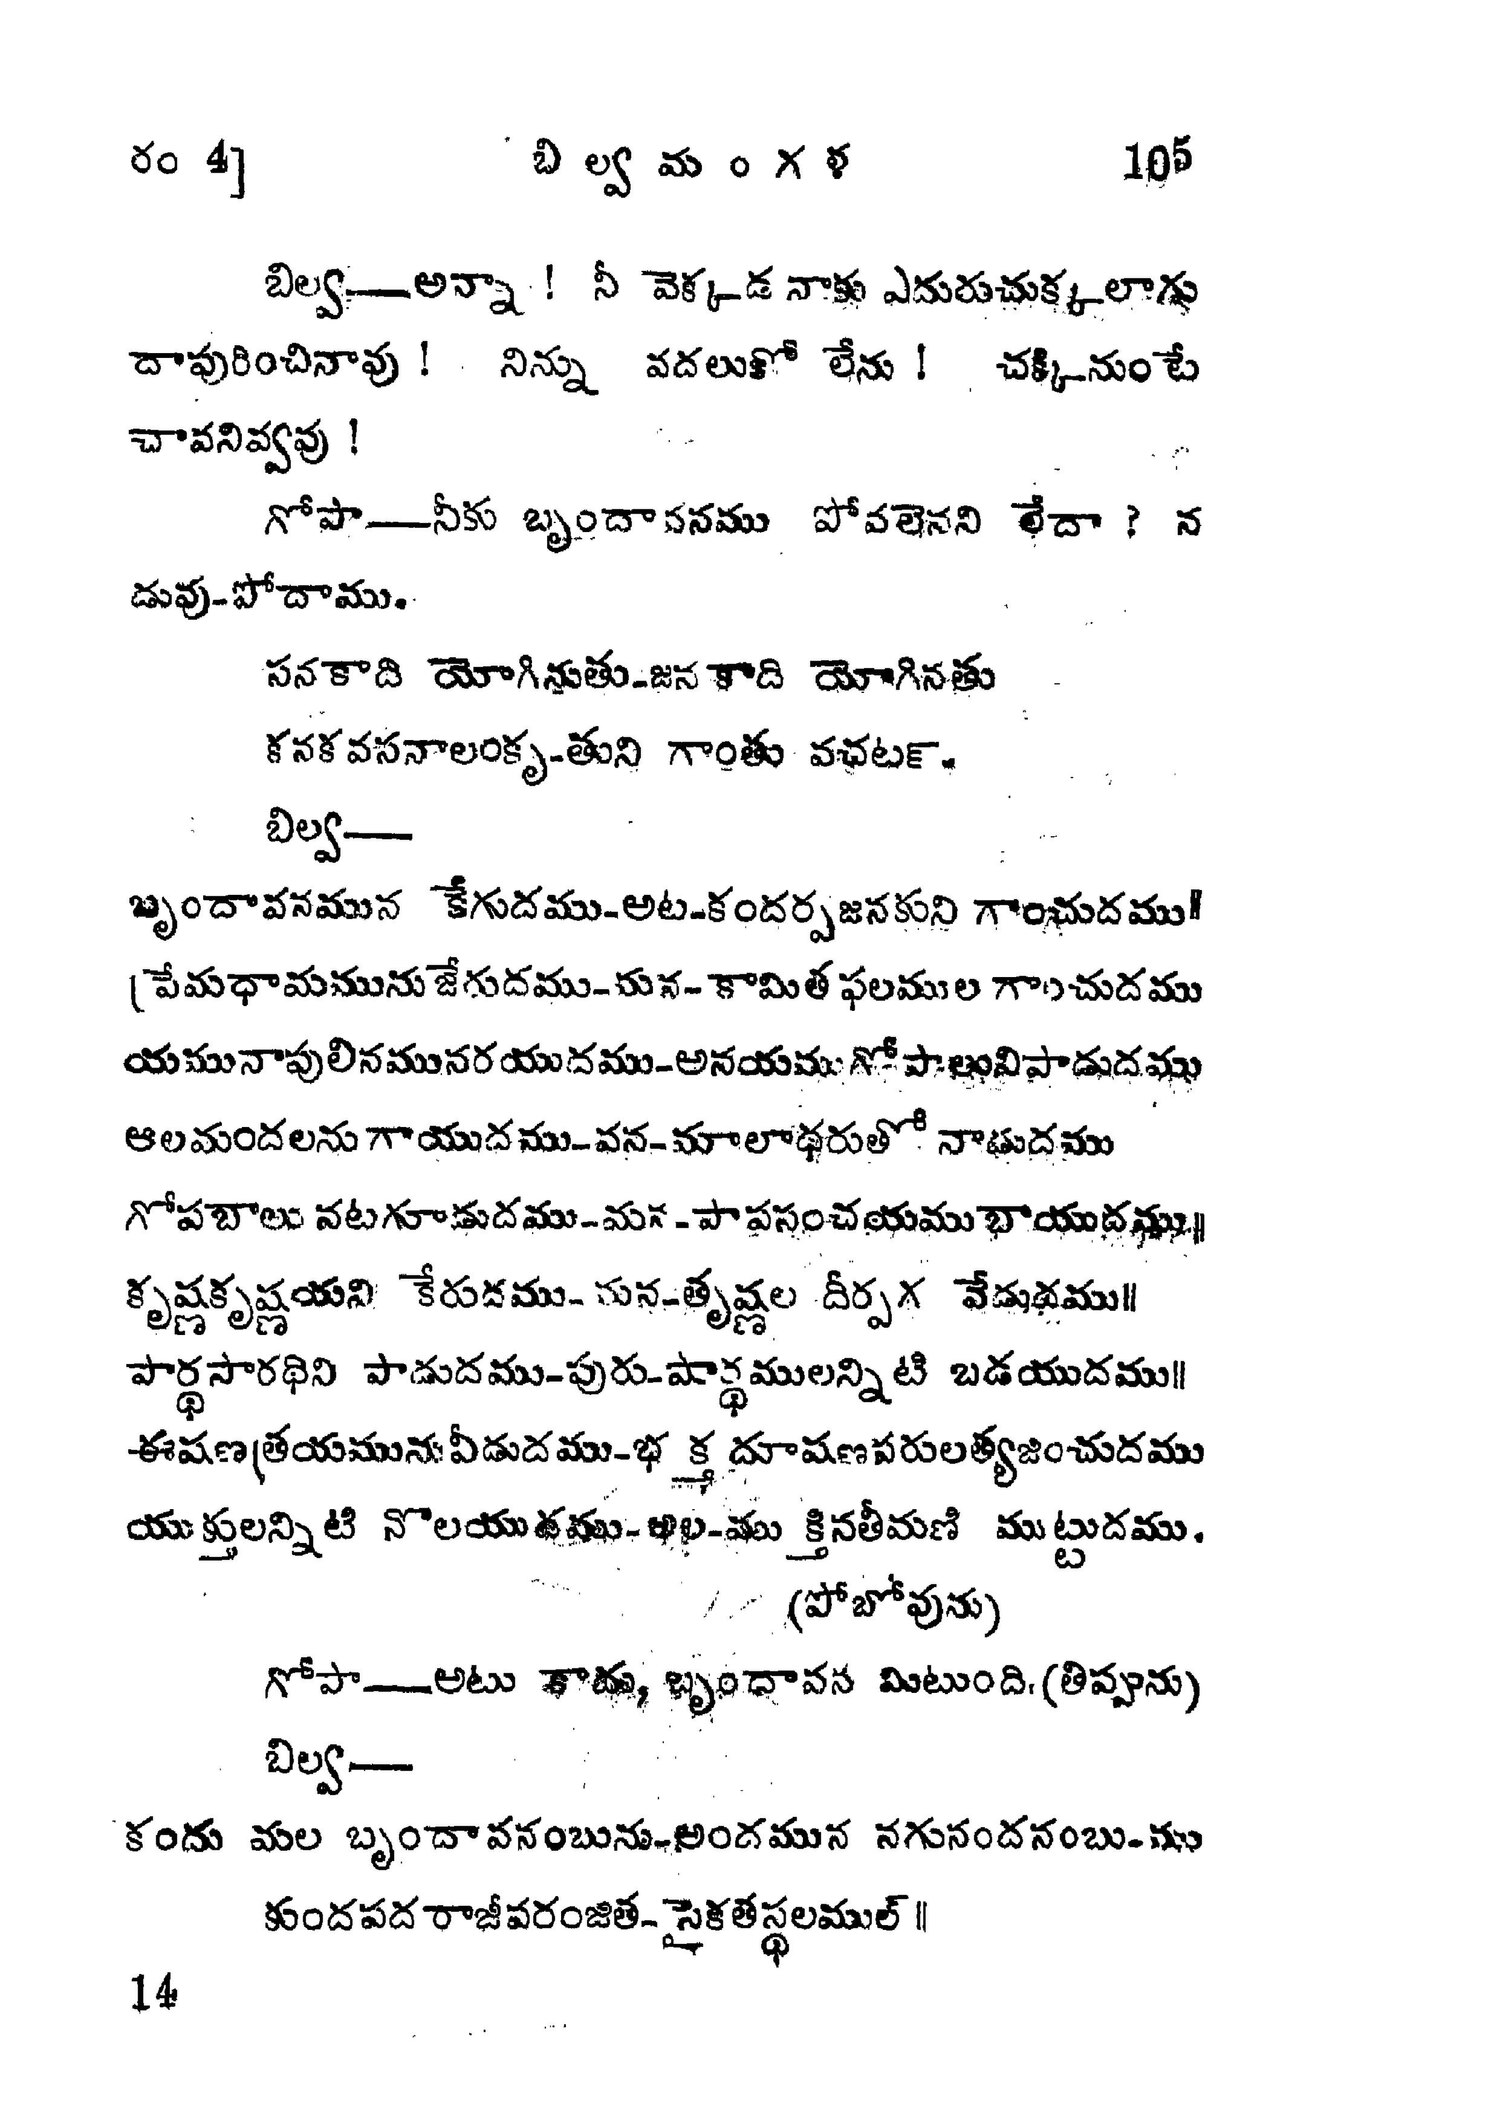బిల్వ - అన్నా ! నీ వెక్కడనాకు ఎదురుచుక్కలాగు దాపురించినావు! నిన్ను వదలుకో లేను! చక్కినుంటే చావమివ్వవు !

గోపా - నీకు బృందావనము పోవలెనని లేదా ? నడువు-పోదాము.

 సనకాది యోగిసుతు-జనకాది యోగినతు
 కనక వసనాలంకృ-తుని గాంతు వచటన్.

బిల్వ -

 బృందావనమున కేగుదుము-అట-కందర్పజనకుని గాంచుదము||
 ప్రేమధామమునుజేరుదము-మన-కామిత ఫలముల గాంచుదము
 యమునాపులినమునరయుదము-అనయము గో-పాలునిపాడుదము
 ఆలమందలనుగాయుదము-వన-మాలాధరుతో నాడుదము
 గోపబాలు నటగూడుదము-మన-పాపసంచయముబాయుదము||
 కృష్ణకృష్ణయని కేరుదము-మన-తృష్ణల దీర్పగ వేడుదము||
 పార్థసారథిని పాడుదము-పురు-షార్థములన్నిటి బడయుదము||
 ఈషణత్రయమును వీడుదము-భక్త దూషణసరులత్యజించుదము
 యుక్తులన్నిటి నొలయుదము-అల-ముక్తిసతీమణి ముట్టుదము.
 (పోబోవును)

గోపా - అటు కాదు, బృందావన మిటుంది. (త్రిప్పును)

బిల్వ -

 కందు మల బృందావనంబును-అందమున నగునందనంబు-ము
 కుందపదరాజీవరంజిత-సైకతస్థలముల్||